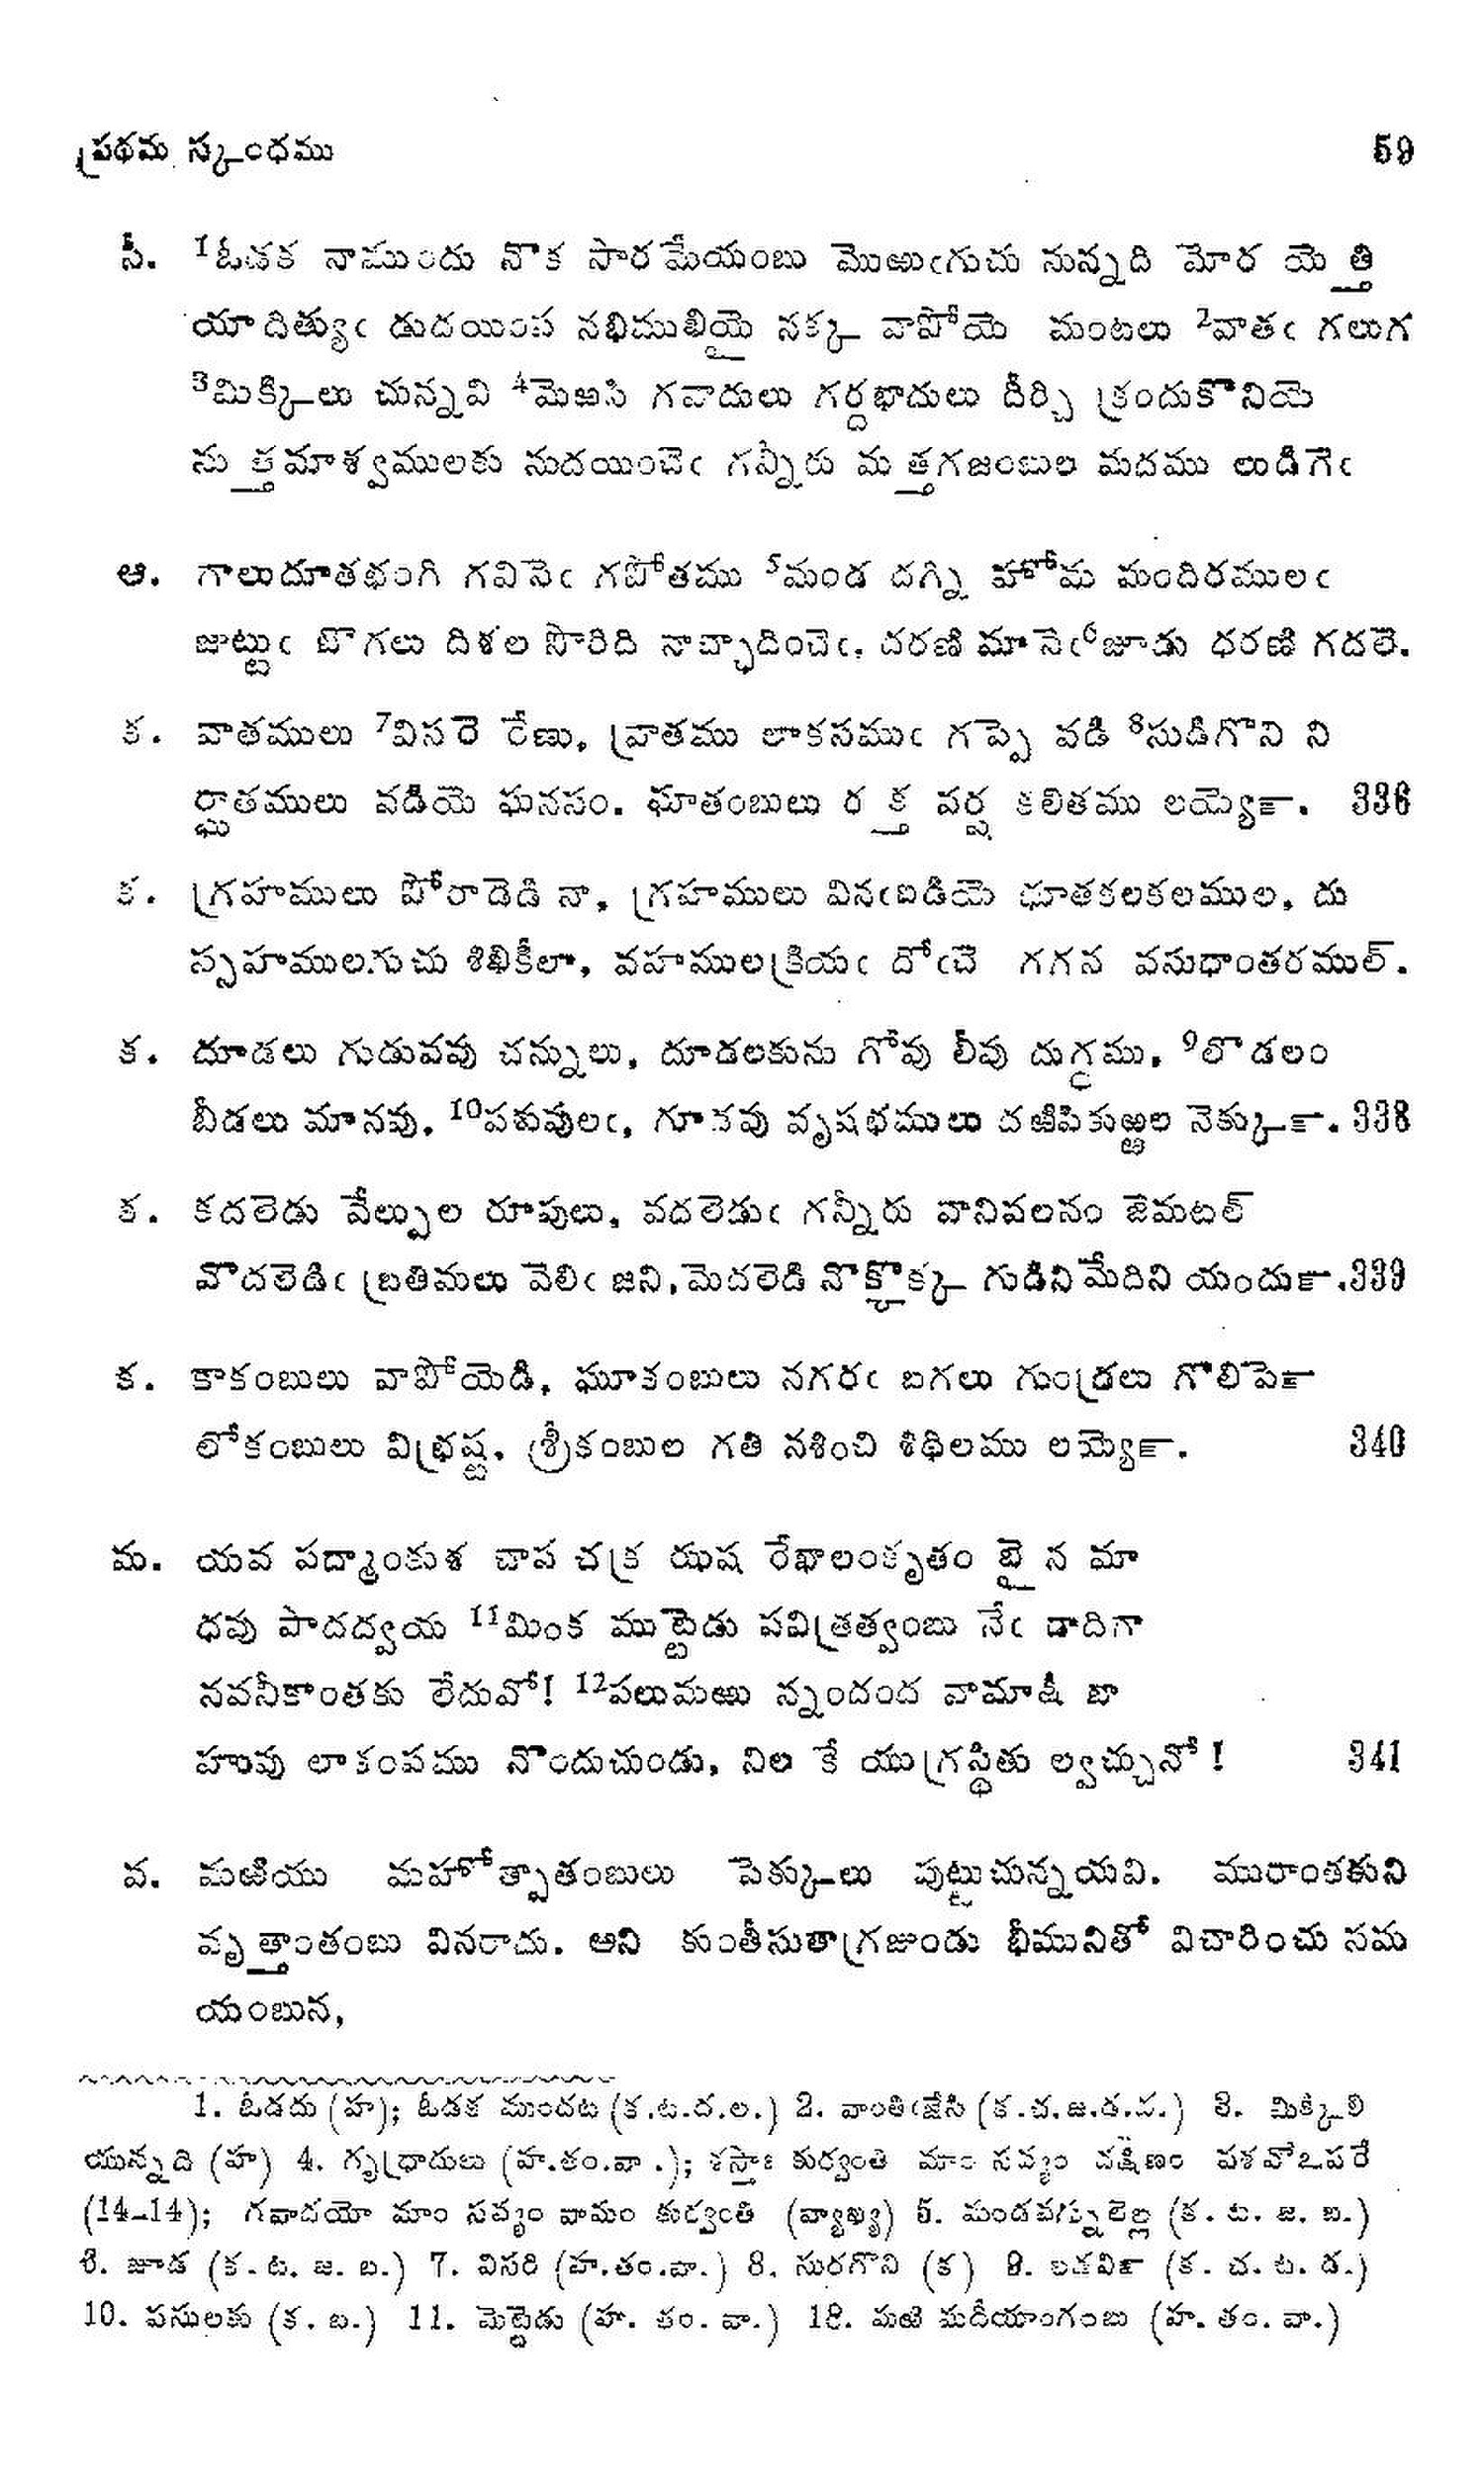59

సీ. ఓడక నాముందు నిక సారమేయంబు మొఱుఁగుచు నున్నది ఘోర యెత్తి

తయాదిత్యుఁ డుదయొంప సభిముఖియై నక్క వాపోయె మంటలు వాతఁ గలుగ

మిక్కిలు చున్నవి మెఱిసి గవాదులు గర్దభాదులు దీర్చి క్రందుకొనియె

నుత్తమాశ్వములకు నుదయించెఁ గన్నీరు మత్తగజంబుల మదము లుడిగెఁ

ఆ. గాలుదూతభంగి గవిసెఁ గపోతము మండ దగ్ని హోమ మందిరములఁ

జుట్టుఁ బొగలు దిశల నారిది నాచ్చాదించె, ధరణి మాసెఁజూడు ధరణి గదలె. (1-335) 

క. వాతములు విసరె రేణు, వ్రాతము లాకసముఁ గప్పె వడి నుడిగొని ని

ర్ఘాతములు వడియె ఘనసం, ఘాతంబులు రల్త వర్ష కలితము లయ్యెన్. (1-336)

క. గ్రహములు పోరాడెడి నా, గ్రహములు వినఁబడియె భూతకలకలముల, దు

స్సహములగుచు శిఖికీలా, వహములక్రియఁ, దోఁచె గగన వసుధాంతరముల్. (1-337)

క. దూడలు గడువవు చన్నులు, దూడలకును గోవు దుగ్ధము, లౌడలం

బీడలు మానవు, పశువులఁ, గూడవు వృషభములు దఱిపికుఱ్ఱల నెక్కున్. (1-338) 

క. కదలెడు వేల్పుల రూపుల, పదలెడుఁ గన్నీరు వానివలనం జెనటల్

వొదలెడిఁ బ్రతిమలు వెలి, జని, మెదలెడి నొకొక్క గుడిని మేదిని యందున్. (1-339) 

క. కాకంబులు వాపోయెడి, ఘాకంబులు నగరఁ బగల గుండ్రలు గొలిపెన్

లోకంబులు విభ్రష్ట, శ్రీకంబుల గతి నశించి శిథిలము లయ్యెన్. (1-340)

మ. యవ పద్మంకుశ చాప చక్ర ఝష రేఖాలంకృతం బైన మా

ధవు పాదద్వయ మింక ముట్టెడు పవిత్రత్వంబు నేఁ డాదిగా

నవనీకాంతకు లేదువో ! పలుమఱు న్నందంద వామాఝక్షి బా

హువు లకంపము నొందుచుండు, నిల కే యుగ్రస్థితు ల్వచ్చునో ! (1-341)

న. మఱియు మహోత్పాతంబులు పెక్కులు పుట్టుచున్నయని. మురాంతకుని వృత్తాంతంబు వినరాద. అని కుంతీసుతాగ్రజుండు భీమునుతో విచారించి సమయంబున. (1-342)